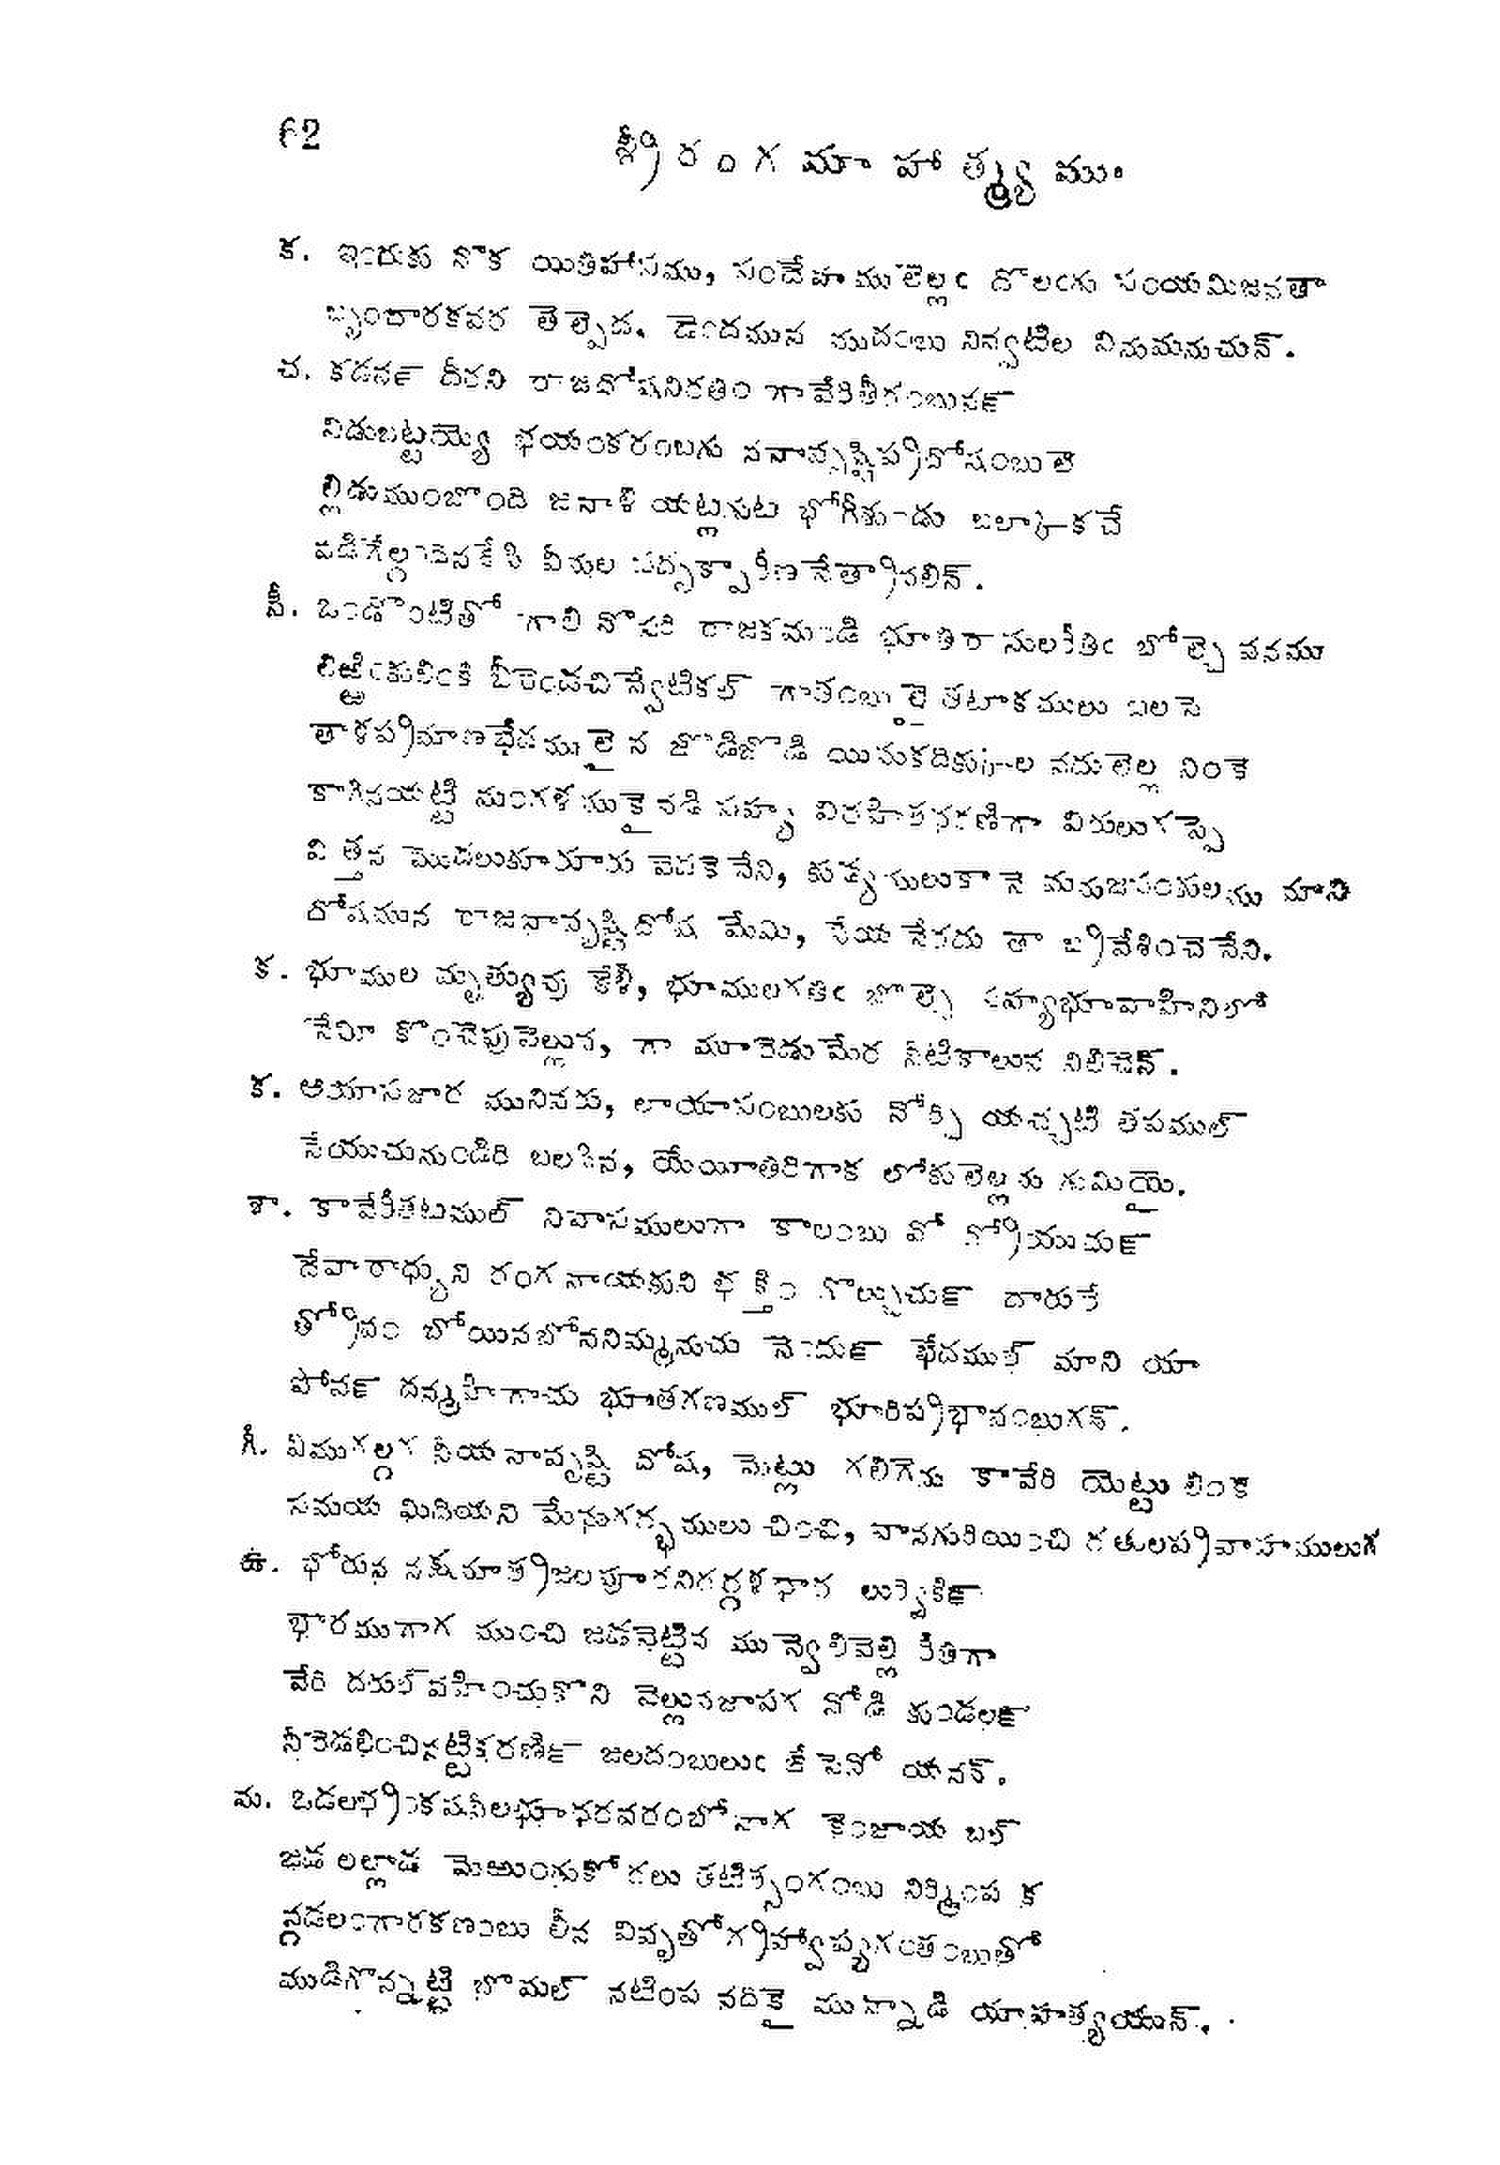క. ఇందుకు నొక యితిహాసము, సందేహములెల్లఁ దొలఁగు సంయమిజనతా
 బృందారకవర తెల్పెద, డెందమున ముదంబు నివ్వటిల వినుమనుచున్.
చ. కడవన్ దీరని రాజదోషనిరతం గావేరితీరంబునన్
 విడుబట్టయ్యె భయంకరంబగు ననావృష్టిప్రదోషంబు లె
 ల్లిడుముంబొంది జనాళి యట్లగుసట భోగీశుండు బల్కాకచే
 వడిగే ల్గందిన జేసి వీనుల సదృక్పారీణనేత్రావలిన్.
సీ. ఒండొంటితో గాలి నొసరి రాజకమండి భూతిరాసులరీతిఁ బోల్చె వనము
 లిఱ్ఱింకులింకి బీరెండచిన్వేటికల్ గాతంబులై తటాకములు బలసె
 తాళప్రమాణభేదములైన జొడిజొడి యిసుకదిక్కుల నదులెల్ల నింకె
 కాగినయట్టి మంగళముకైవడి సహ్య విరహితధరణిగా విరులు గప్పె
 విత్తన మొదలుకూరూరు వెదకెనేని, కుడ్యములుకానె మనుజసంకులము మాని
 దోషమున రాజనావృష్టిదోష మేమి, సేయ నేరదు తా బ్రవేశించెనేని.
క. భూముల మృత్యువు కేళీ, భూములగతిఁ బొల్చె సహ్యభూవాహినిలో
 నేమీ కొంచెపువెల్లువ, గా మూరెడుమేర నీటికాలువ నిలిచెన్.
క. ఆయాసజార మునివరు, లాయాసంబులకు నోర్చి యచ్చటి తపముల్
 సేయుచునుండిరి బలసిన, యేయీతిరిగాక లోకు లెల్లను గుమియై.
శా. కావేరీతటముల్ నివాసములుగా కాలంబు వో వ్రోయుచున్
 దేవారాధ్యుని రంగనాయకుని భక్తిం గొల్చుచున్ దారులే
 త్రోవం బోయిన బోననిమ్మనుచు నెందున్ ఖేదముల్ మాని యా
 పోవన్ దన్మహి గాచు భూతగణముల్ భూరిప్రభావంబుగన్.
గీ. ఏముగల్గగ నీయనావృష్టిదోష, మెట్లు గలిగెను కావేరి యెట్టు లింకె
 సమయ మిదియని మేఘగర్భములు చించి, వానగురియించి రతులప్రవాహములుగ.
ఉ. భోరున నక్షమాత్రజలపూరనిరర్గళధార లుర్వికిన్
 భారముగాగ ముంచి జడవెట్టిన మున్వెలివెల్లి రీతిగా
 వేరి దరుల్ వహించుకొని వెల్లువ జాపగ నోడి కుండలన్
 నీరెడలించినట్టికరణిన్ జలదంబులుఁ జేసెనో యనన్.
మ. ఒడలభ్రంకషనీలభూధరవరంబోనాగ కెంజాయ బల్
 జడ లల్లాడ మెఱుంగుకోరలు తటిత్సంగంబు నిర్మింప క
 న్గడలంగారకణంబు లీన వివృతోగ్రహ్వాప్యగంతంబుతో
 ముడిగొన్నట్టి బొమల్ నటింప నదికై మున్నాడి యాహత్యయున్.